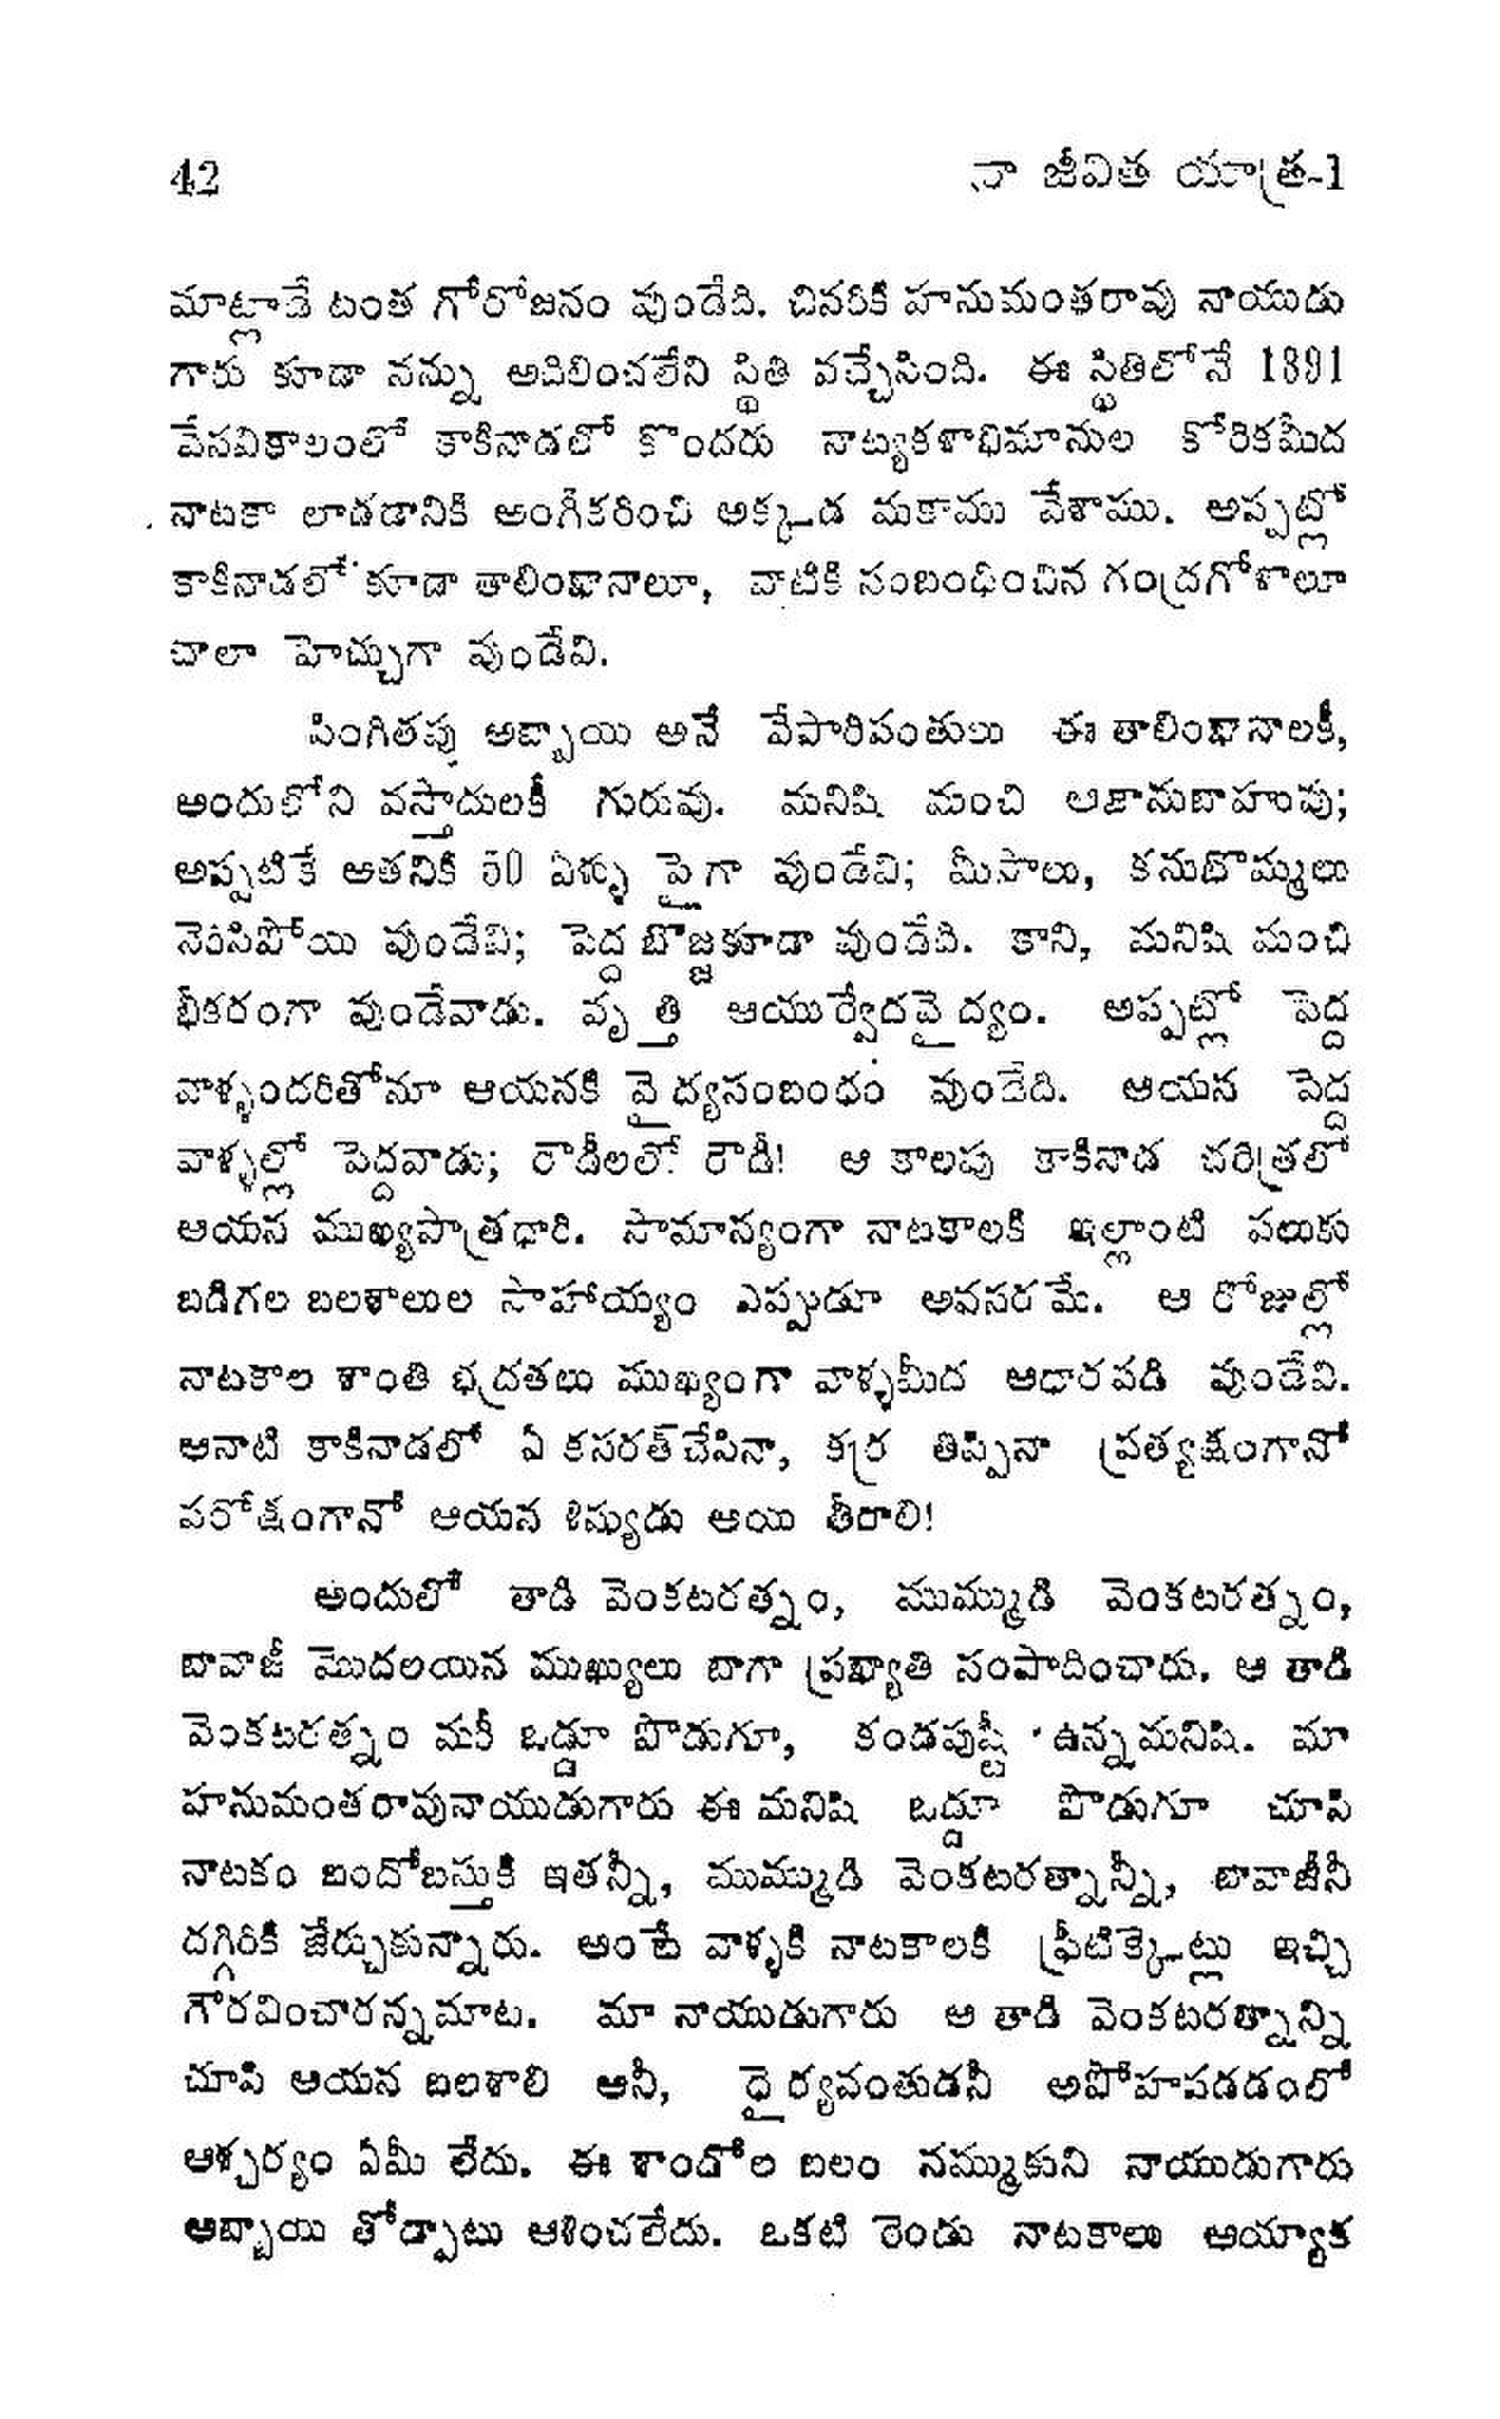మాట్లాడే టంత గోరోజనం వుండేది. చివరికి హనుమంతరావు నాయుడుగారు కూడా నన్ను అదిలించలేని స్థితి వచ్చేసింది. ఈ స్థితిలోనే 1891 వేసవికాలంలో కాకినాడలో కొందరు నాట్యకళాభిమానుల కోరికమీద నాటకా లాడడానికి అంగీకరించి అక్కడ మకాము వేశాము. అప్పట్లో కాకినాడలో కూడా తాలింఖానాలూ, వాటికి సంబంధించిన గంద్రగోళాలూ చాలా హెచ్చుగా వుండేవి.

సింగితపు అబ్బాయి అనే వేపారిపంతులు ఈ తాలింఖానాలకీ, అందులోని వస్తాదులకీ గురువు. మనిషి మంచి ఆజాను బాహువు; అప్పటికే అతనికి 50 ఏళ్ళు పైగా వుండేవి; మీసాలు, కనుబొమ్మలు నెరిసిపోయి వుండేవి; పెద్ద బొజ్జకూడా వుండేది. కాని, మనిషి మంచి భీకరంగా వుండేవాడు. వృత్తి ఆయుర్వేదవైద్యం. అప్పట్లో పెద్దవాళ్ళందరితోనూ ఆయనకి వైద్యసంబంధం వుండేది. ఆయన పెద్దవాళ్ళలో పెద్దవాడు; రౌడీలలో రౌడీ! ఆ కాలపు కాకినాడ చరిత్రలో ఆయన ముఖ్యపాత్రధారి. సామాన్యంగా నాటకాలకి ఇల్లాంటి పలుకుబడిగల బలశాలుల సాహాయ్యం ఎప్పుడూ అవసరమే. ఆ రోజుల్లో నాటకాల శాంతి భద్రతలు ముఖ్యంగా వాళ్ళమీద ఆధారపడి వుండేవి. ఆనాటి కాకినాడలో ఏ కసరత్‌చేసినా, కర్ర తిప్పినా ప్రత్యక్షంగానో పరోక్షంగానో ఆయన శిష్యుడు అయి తీరాలి!

అందులో తాడి వెంకటరత్నం, ముమ్మడి వెంకటరత్నం, బావాజీ మొదలయిన ముఖ్యులు బాగా ప్రఖ్యాతి సంపాదించారు. ఆ తాడి వెంకటరత్నం మరీ ఒడ్డూ పొడుగూ, కండపుష్టీ ఉన్నమనిషి. మా హనుమంతరావునాయుడుగారు ఈ మనిషి ఒడ్డూ పొడుగూ చూసి నాటకం బందోబస్తుకి ఇతన్నీ, ముమ్మడి వెంకటరత్నాన్నీ, బావాజీనీ దగ్గిరకి జేర్చుకున్నారు. అంటే వాళ్ళకి నాటకాలకి ఫ్రీటిక్కెట్లు ఇచ్చి గౌరవించారన్నమాట. మా నాయుడుగారు ఆ తాడి వెంకటరత్నాన్ని చూసి ఆయన బలశాలి అనీ, ధైర్యవంతుడనీ అపోహపడడంలో ఆశ్చర్యం ఏమీ లేదు. ఈ శాండోల బలం నమ్ముకుని నాయుడుగారు అబ్బాయి తోడ్పాటు ఆశించలేదు. ఒకటి రెండు నాటకాలు అయ్యాక